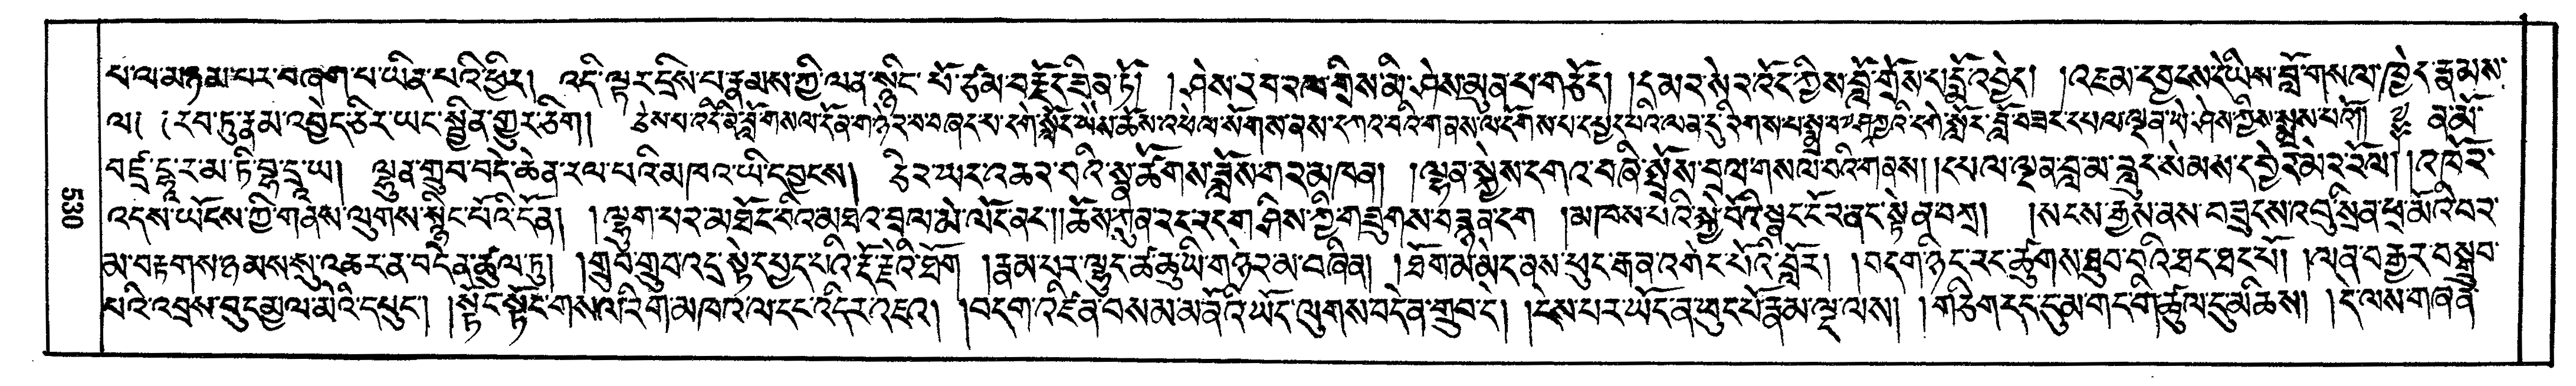པ་ལ་མཉམ་པར་བཞག་པ་ཡིན་པའི་ཕྱིར། འདི་ལྟར་དྲིས་པ་རྣམས་ཀྱི་ལན་སྙིང་པོ་ཙམ་བརྗོད་ཟིན་ཏོ། །ཤེས་རབ་རལ་གྲིས་མི་ཤེས་མུན་པ་གཅོད། །དམར་སེར་འོད་ཀྱིས་བློ་གྲོས་པདམོ་འབྱེད། །འཇམ་དབྱངས་དེ་ཡིས་བློ་གསལ་ཁྱེད་རྣམས་
ལ༑ ༑རབ་ཏུ་རྣམ་འབྱེད་ཅིར་ཡང་སྦྱིན་གྱུར་ཅིག། ཅེས་པ་འདི་ནི་བློ་གསལ་དོན་གཉེར་བ་བཞད་པ་དགེ་སློང་ཡེ་ཤེས་ཆོས་འཕེལ་སོགས་ནས་དཀའ་བའི་གནས་ལ་དོགས་པ་དཔྱད་པའི་ལན་དུ་༧་རིགས་པ་སྨྲ་བ་ཤཱཀྱའི་དགེ་སློང་བློ་བཟང་དཔལ་ལྡན་ཡེ་ཤེས་ཀྱིས་སྨྲས་བའོ།། ༈ ན་མོ་
བཛྲ་དྷཱ་ར་མ་ཏི་བྷ་དྲཱ་ཡ། ལྷུན་གྲུབ་བདེ་ཆེན་རོལ་པའི་མཁའ་ཡི་དབྱིངས། ཅིར་ཡང་འཆར་བའི་སྣ་ཚོགས་ཟློས་གར་མཁན། །ལྷན་སྐྱེས་དགའ་བཞི་སྤྲོས་བྲལ་ཟུང་འཇུག་ཅན། །དཔལ་ལྡན་བླ་མ་རླུང་སེམས་དབྱེར་མེད་རོལ། །འཁོར་
འདས་ཡོངས་ཀྱི་གནས་ལུགས་སྙིང་པོའི་དོན། །ལྷུག་པར་མཐོང་བའི་མཐའ་བྲལ་མེ་ལོང་ནང་། །ཆོས་ཀུན་རང་རང་གཤིས་ཀྱི་གཟུགས་བརྙན་དག །མཁས་པའི་སྐྱེ་བོའི་སྣང་ངོར་འདི་ལྟར་བཀྲ། །སངས་རྒྱས་ནས་བཟུངས་འབུ་སྲིན་ཕྲ་མོའི་བར།།
མ་བརྟགས་ཉམས་སུ་འཆར་ན་བདེན་ཚུལ་ཏུ། །གྲུབ་གྲུབ་འདྲ་སྟེ་དཔྱད་པའི་རྡོ་རྗེའི་ཐོག །རྣམ་པར་ལྷུང་ཚེ་ཆུ་ཡི་གཉེར་མ་བཞིན། །ཐོག་མ་མེད་ནས་ཕུང་རྒན་འགོང་པོའི་བློར། །བདག་ཉིད་རང་ཚུགས་ཐུབ་པའི་ཐང་ཐང་པོ། །ལན་བརྒྱར་བསྒྲུབ་
པའི་འབྲས་བུ་དམྱལ་མེའི་དཔུང་། །སྟོང་སྟོང་གསལ་རིག་མཁའ་ལ་དང་འདིར་འཇའ། །བདག་འཛིན་བསམ་མནོའི་ཡོད་ལུགས་བདེན་གྲུབ་དེ། །ངེས་པར་ཡོད་ན་ཕུང་པོ་རྣམ་ལྔ་ལས། །གཅིག་དང་དུ་མ་གང་གི་ཚུལ་དུ་མཆིས། །དེ་ལས་གཞན་